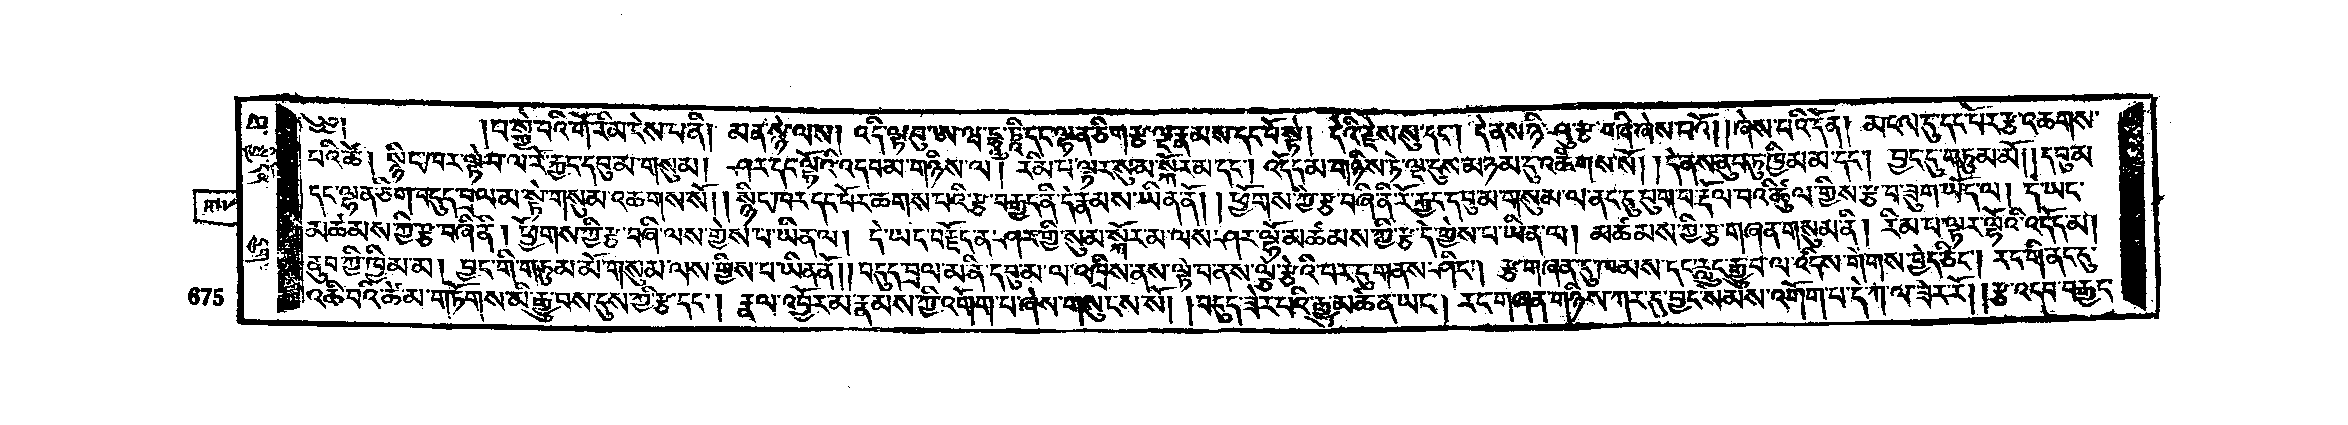༄༅། །པ་སྐྱེ་བའི་གོ་རིམ་ངེས་པ་ནི། མན་སྙེ་ལས། འདི་ལྟ་བུ་ཨ་ཝ་དྷཱུ་ཏཱི་དང་ལྷན་ཅིག་རྩ་ལྔ་རྣམས་དང་པོ་སྟེ། དེའི་རྗེས་སུ་དང་། དེ་ནས་ཉི་ཤུ་རྩ་བཞི་ཞེས་པའོ། །ཞེས་པའི་དོན། མངལ་དུ་དང་པོར་རྩ་འཆགས་
པའི་ཚེ། སྙིང་ཁར་ལྟེ་བ་ལ་རེ་རྐྱང་དབུ་མ་གསུམ། ཤར་དང་ལྷོའི་འདབ་མ་གཉིས་ལ། རིམ་པ་ལྟར་སུམ་སྐོར་མ་དང་། འདོད་མ་གཉིས་ཏེ་ལྔ་དུས་མཉམ་དུ་འཆགས་སོ། །དེ་ནས་ནུབ་ཏུ་ཁྱིམ་མ་དང་། བྱང་དུ་གཏུམ་མོ། །དབུ་མ་
དང་ལྷན་ཅིག་བདུད་བྲལ་མ་སྟེ་གསུམ་འཆགས་སོ། །སྙིང་ཁར་དང་པོར་ཆགས་པའི་རྩ་བརྒྱད་ནི་དེ་རྣམས་ཡིན་ནོ། །ཕྱོགས་ཀྱི་རྩ་བཞི་ནི་རོ་རྐྱང་དབུ་མ་གསུམ་ལ་ནང་དུ་པུག་པ་རྡོལ་བའི་ཚུལ་གྱིས་རྩ་བ་ཟུག་ཡོད་ལ། དེ་ཡང་
མཚམས་ཀྱི་རྩ་བཞི་ནི། ཕྱོགས་ཀྱི་རྩ་བཞི་ལས་གྱེས་པ་ཡིན་ལ། དེ་ཡང་བརྗོད་ན་ཤར་གྱི་སུམ་སྐོར་མ་ལས་ཤར་ལྷོ་མཚམས་ཀྱི་རྩ་དེ་གྱེས་པ་ཡིན་ལ། མཚམས་ཀྱི་རྩ་གཞན་གསུམ་ནི། རིམ་པ་ལྟར་ལྷོའི་འདོད་མ།
ནུབ་ཀྱི་ཁྱིམ་མ། བྱང་གི་གཏུམ་མོ་གསུམ་ལས་གྱེས་པ་ཡིན་ནོ། །བདུད་བྲལ་མ་ནི་དབུ་མ་ལ་འཁྲིས་ནས་ལྟེ་བ་ནས་ལྕེ་རྩེའི་བར་དུ་གནས་ཤིང་། རྩ་གཞན་དུ་ཁམས་དང་རླུང་རྒྱུ་བ་ལ་འདིས་གོགས་བྱེད་ཅིང་། རང་གི་ནང་དུ་
འཆི་བའི་ཚེ་མ་གཏོགས་མི་རྒྱུ་བས་དུས་ཀྱི་རྩ་དང་། རྣལ་འབྱོར་མ་རྣམས་ཀྱི་འགོག་པ་ཞེས་གསུངས་སོ། །བདུད་ཟེར་པའི་རྒྱུ་མཚན་ཡང་། རང་གཞན་གཉིས་ཀར་དུ་བྱང་སེམས་འགོག་པ་དེ་ཀ་ལ་ཟེར་རོ། །རྩ་འདབ་བརྒྱད་